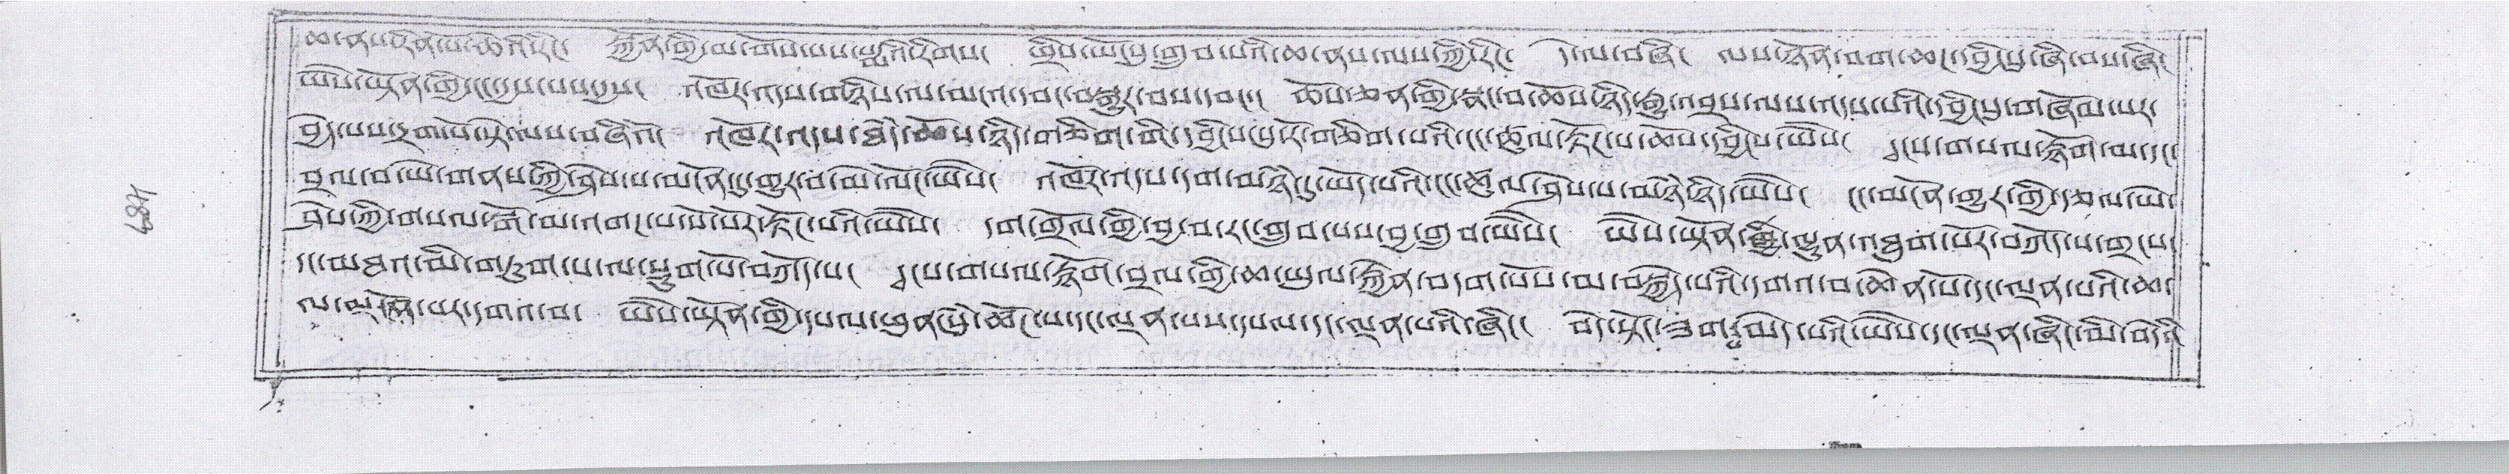ཆ་ནས་རིན་པོ་ཆེའི་རིགས། སྐྱོན་གྱིས་མ་གོས་པའི་པདྨའི་རིགས། ཕྲིན་ལས་ཡོངས་སུ་གྲུབ་པའི་ཆ་ནས་ལས་ཀྱི་རིགས། དེ་ལ་བཞི། ལས་ཉོན་བག་ཆགས་དབྱིངས་སུ་ཞི་བས་ཞི། 
ཡེ་ཤེས་ཡོན་ཏན་གྱི་ངང་རྒྱས་པས་རྒྱས། འཁོར་འདས་གཉིས་ལ་མངའ་དབང་བསྒྱུར་བས་དབང་། ཆོས་ཅན་གྱི་སྣང་བ་ཆོས་ཉིད་རྒྱུ་འབྲས་ལས་འདས་པའི་དབྱིངས་སུ་གཞོམ་པར་
བྱེད་པ་དྲག་པོ་སྟེ་ལས་བཞིའོ། འཁོར་འདས་ཐམས་ཅད་ཆོས་ཉིད་གཅིག་གི་དབྱིངས་སུ་རོ་གཅིག་པའི་ངང་ཚུལ་རྟོགས་པ་ཆོས་དབྱིངས་ཡེ་ཤེས། དྭངས་གསལ་རྙོག་མ་དང་
བྲལ་བ་ཡེ་གནས་ཀྱི་ཤེས་པ་མངོན་དུ་གྱུར་པ་མེ་ལོང་ཡེ་ཤེས། འཁོར་འདས་དག་མཉམ་དུ་དུ་ཡོད་པའི་ངང་ཚུལ་ཤེས་པ་མཉམ་ཉིད་ཡེ་ཤེས། ངང་མངོན་གྱུར་གྱི་རྩལ་ཡེ་
ཤེས་ཀྱི་གསལ་སྒོ་མ་འགག་པ་སོ་སོར་རྟོགས་པའི་ཡེ་ཤེས། དག་གྲོལ་གྱི་བྱ་བ་རང་གྲུབ་པས་བྱ་གྲུབ་ཡེ་ཤེས། ཡེ་ཤེས་ཡོན་ཏན་ལྷུན་མཐུག་པོར་བཀོད་པ་གྲངས་
དང་མཐའ་མི་གཏུག་པ་ལ་སྟུག་པོ་བཀོད་པ། དྭངས་གསལ་རྙོག་བྲལ་གྱི་ཆ་ཡུལ་རྐྱེན་བདག་པོས་མ་བསྐྱེད་པའི་དགའ་བ་ཆེན་པོ་དང་ལྡན་པའི་ཆ་
ལ་མངོན་པར་དགའ་བ། ཡེ་ཤེས་ཡོན་ཏན་གྱི་དཔལ་ཕུན་སུམ་ཚོགས་པ་དང་ལྡན་པས་དཔལ་དང་ལྡན་པའི་ཞིང་། བདེ་སྟོང་ཟག་པ་མེད་པའི་ཡེ་ཤེས་དང་ལྡན་ཞིང་མི་བདེའི་